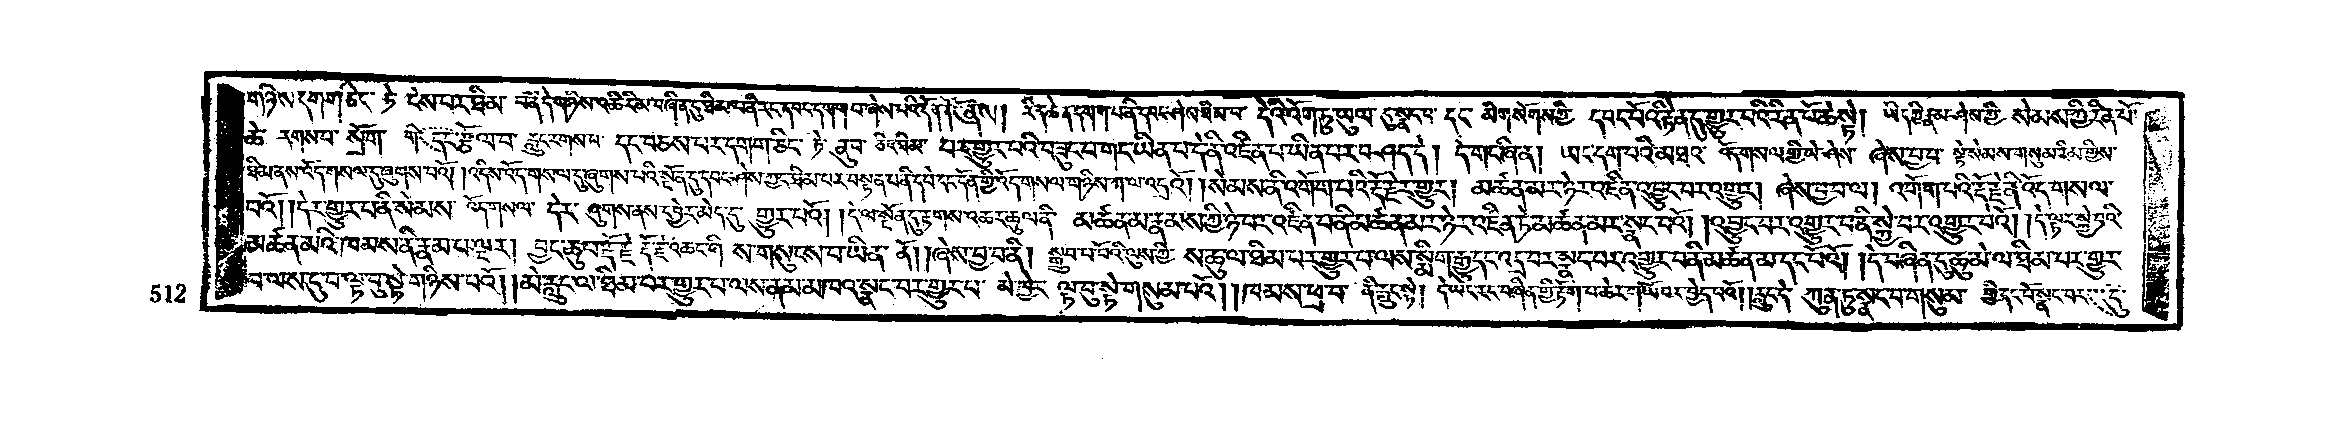གཉིས་དགག་ཅིང་ཏེ་ངེས་པར་ཐིམ་པ་ནི་དེ་གཉིས་འཆི་རིམ་བཞིན་དུ་ཐིམ་པ་ནི་རང་དབང་དགག་པ་ཞེས་པའི་དོན་ནོ་ནས། རིན་ཆེན་དགག་པ་ནི་དབང་ཤེས་ཐིམ་པ་དེའི་འོག་ཏུ་ཡུལ་དུ་སྣང་བ་ངང་?་མིག་སོགས་ཀྱི་དབང་པོའི་རྟེན་དུ་གྱུར་པའི་རིན་པོ་ཆེ་སྟེ། ཡིད་ཀྱི་རྣམ་ཤེས་ཀྱི་སེམས་ཀྱི་རིན་པོ་
ཆེ་རགས་པ་སྲོག་གི་དང་རྩོལ་བ་རླུང་རགས་པ་དང་བཅས་པར་དགག་ཅིང་ཏེ་ནུབ་ཅིང་ཐིམ་པར་གྱུར་པའི་བཟུང་བ་གང་ཡིན་པ་དེ་ནི་འཛིན་པ་ཡིན་པར་བཤད་དེ། དེ་གང་ཞེ་ན། ཡང་དག་པའི་མཐའ་འོད་གསལ་གྱི་ཡེ་ཤེས་ཞེས་བྱ་བ་སྟེ་སེམས་གསུམ་རིམ་གྱིས་
ཐིམ་ནས་འོད་གསལ་དུ་ཞུགས་པའོ། །འདིས་འོད་གསལ་དུ་ཞུགས་པའི་སྔོན་དུ་དབང་ཤེས་ཀྱང་ཐིམ་པར་བསྟན་པ་ནི་དཔེ་དང་དོན་གྱི་འོད་གསལ་གཉིས་ཀ་ལ་འདྲའོ། །སེམས་ནི་འགོག་པའི་རྡོ་རྗེར་གྱུར། མཚན་མར་ཉེར་འཛིན་འབྱུང་བར་འགྱུར། ཞེས་བྱ་བ་ལ། འགོག་པའི་རྡོ་རྗེ་ནི་འོད་གསལ་
བའོ། །དེར་གྱུར་པ་ནི་སེམས་འོད་གསལ་དེར་ཞུགས་ནས་དབྱེར་མེད་དུ་གྱུར་པའོ། ། དེ་ལ་སྔོན་དུ་རྟགས་འཆར་ཚུལ་ནི་མཚན་མ་རྣམས་ཀྱི་ཉེ་བར་འཛིན་པ་ནི་མཚན་མར་ཉེར་འཛིན་ཏེ་མཚན་མར་སྣང་བའོ། །འབྱུང་བར་འགྱུར་བ་ནི་སྐྱེ་བར་འགྱུར་བའོ། །དེ་ལྟར་སྐྱེ་བའི་
མཚན་མའི་ཁམས་ནི་རྣམ་པ་ལྔར། བྱང་ཆུབ་རྡོ་རྗེ་རྡོ་རྗེ་འཆང་གིས་གསུངས་པ་ཡིན་ནོ། །ཞེས་བྱ་བ་ནི། སྒྲུབ་པ་པོའི་ལུས་ཀྱི་ས་ཆུ་ལ་ཐིམ་པར་གྱུར་པ་ལས་སྨིག་རྒྱུ་དང་འདྲ་བར་སྣང་བར་འགྱུར་བ་ནི་མཚན་མ་དང་པོའི། །དེ་བཞིན་དུ་ཆུ་མེ་ལ་ཐིམ་པར་གྱུར་
པ་ལས་དུ་བ་ལྟ་བུ་སྟེ་གཉིས་པའོ། །མེ་རླུང་ལ་ཐིམ་པར་གྱུར་པ་ལས་ནམ་མཁའ་སྣང་བར་གྱུར་པ་མེ་ཁྱེར་ལྟ་བུ་སྟེ་གསུམ་པའོ། །ཁམས་ཕྲ་བ་ནི་རླུང་སྟེ། དེ་ཡང་རང་བཞིན་གྱི་རྟོག་པ་ཆེར་གཡོ་བར་བྱེད་པའོ། །རླུང་དེ་ཀུན་ཏུ་སྣང་བ་གསུམ་གྱི་དང་པོ་སྣང་བར་དུ་